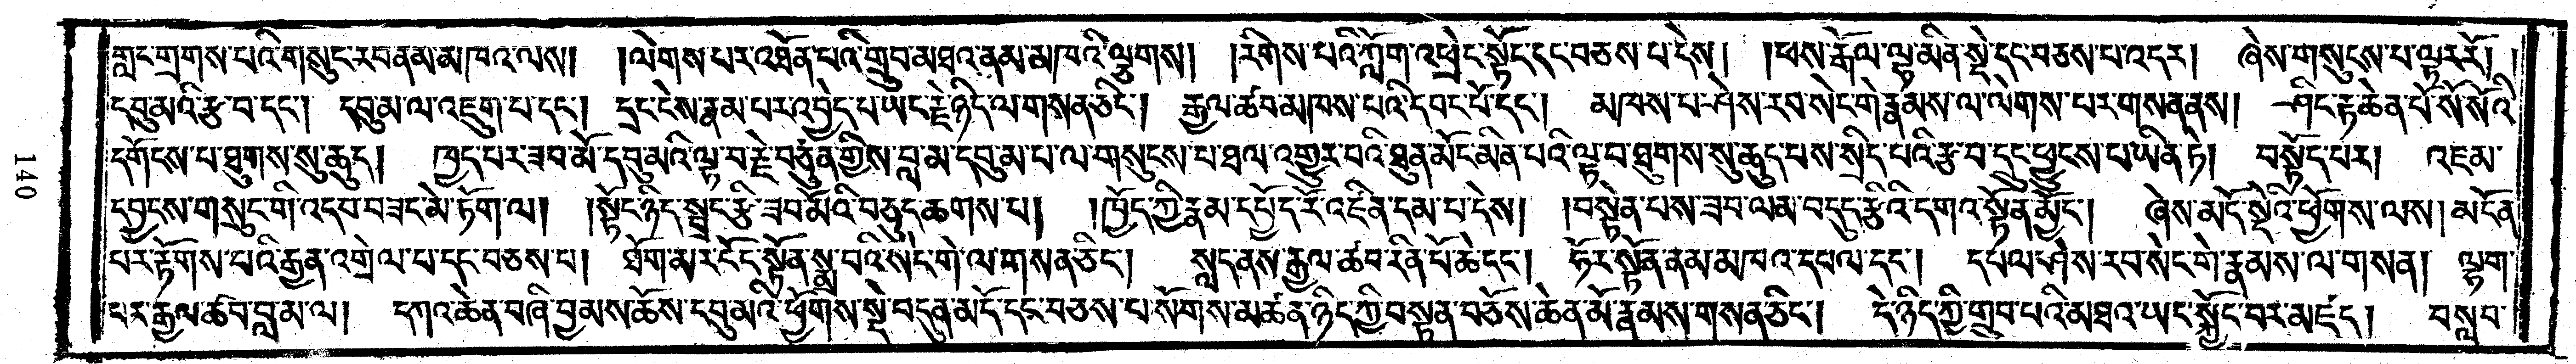གླང་གྲགས་པའི་གསུང་རབ་ནམ་མཁའ་ལས། །ལེགས་པར་འཐོན་པའི་གྲུབ་མཐའ་ནམ་མཁའི་ལྕགས། །རིགས་པའི་ཀློག་འཕྲེང་སྟོང་དང་བཅས་པ་དེས། །ཕས་རྒོལ་ལྷ་མིན་སྡེ་དང་བཅས་པ་འདར། ཞེས་གསུངས་པ་ལྟར་རོ། །
དབུ་མའི་རྩ་བ་དང་། དབུ་མ་ལ་འཇུག་པ་དང་། དྲང་ངེས་རྣམ་པར་འབྱེད་པ་ཡང་རྗེ་ཉིད་ལ་གསན་ཅིང་། རྒྱལ་ཚབ་མཁས་པའི་དབང་པོ་དང་། མཁས་པ་ཤེས་རབ་སེང་གེ་རྣམས་ལ་ལེགས་པར་གསན་ནས། ཤིང་རྟ་ཆེན་པོ་སོ་སོའི་
དགོངས་པ་ཐུགས་སུ་ཆུད། ཁྱད་པར་ཟབ་མོ་དབུ་མའི་ལྟ་བ་རྗེ་བཙུན་གྱིས་བླ་མ་དབུ་མ་པ་ལ་གསུངས་པ་ཐལ་འགྱུར་བའི་ཐུན་མོང་མིན་པའི་ལྟ་བ་ཐུགས་སུ་ཆུད་པས་སྲིད་པའི་རྩ་བ་དྲུང་ཕྱུངས་པ་ཡིན་ཏེ། བསྟོད་པར། འཇམ་
དབྱངས་གསུང་གི་འདབ་བཟང་མེ་ཏོག་ལ། །སྟོང་ཉིད་སྦྲང་རྩི་ཟབ་མོའི་བཅུད་ཆགས་པ། །ཁྱོད་ཀྱི་རྣམ་དཔྱོད་རོ་འཛིན་དམ་པ་དེས། །བསྟེན་པས་ཟབ་ལམ་བདུད་རྩིའི་དགའ་སྟོན་མྱོང་། ཞེས་མདོ་སྡེའི་ཕྱོགས་ལས། མངོན་
པར་རྟོགས་པའི་རྒྱན་འགྲེལ་པ་དང་བཅས་པ། ཐོག་མར་ངོང་སྟོན་སྨྲ་བའི་སེང་གེ་ལ་གསན་ཅིང་། སླད་ནས་རྒྱལ་ཚབ་རིན་པོ་ཆེ་དང་། ཧོར་སྟོན་ནམ་མཁའ་དཔལ་དང་། དཔལ་ཤེས་རབ་སེང་གེ་རྣམས་ལ་གསན། ལྷག་
པར་རྒྱལ་ཚབ་བླ་མ་ལ། དཀའ་ཆེན་བཞི་བྱམས་ཆོས་དབུ་མའི་ཕྱོགས་སྡེ་བདུན་མདོ་དང་བཅས་པ་སོགས་མཚན་ཉིད་ཀྱི་བསྟན་བཅོས་ཆེན་མོ་རྣམས་གསན་ཅིང་། དེ་ཉིད་ཀྱི་གྲུབ་པའི་མཐའ་ཡང་སྐྱོང་བར་མཛད། བསླབ་